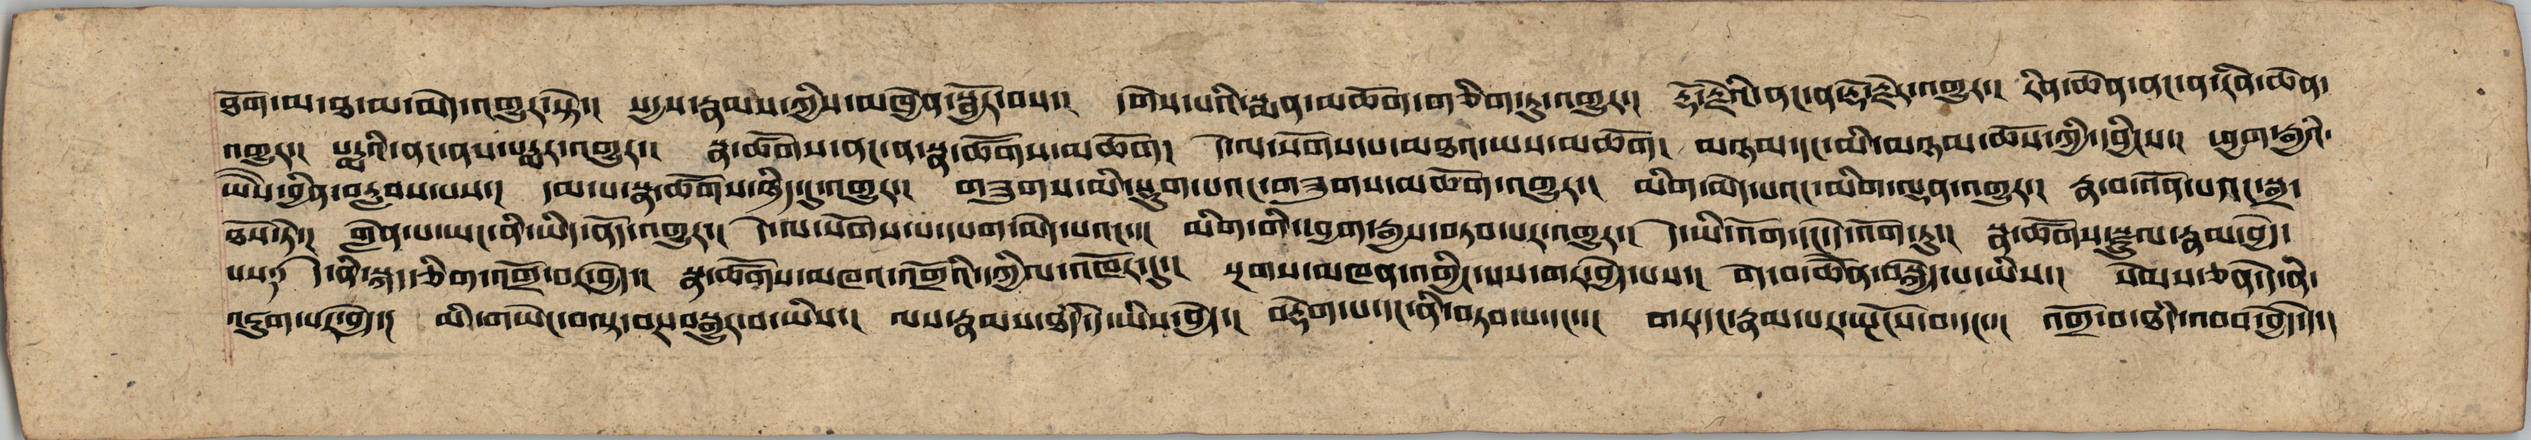ཐོག་མ་ཐ་མ་མེད་འགྱུར་སྟེ་། སདྱས་རྣམས་ཀྱིས་མཁྱེན་སྦྱོར་བས་། དགོས་པའི་སྨན་མཆོག་གཅིག་ཏུ་འགྱུར་། རྡོ་རྗེའི་ནང་ན་རྡོ་རྗེར་འགྱུར་། རིན་ཆེན་ནང་ན་རིན་ཆེན་
འགྱུར་། པདྨའི་ནང་ནས་པདྨར་འགྱུར་། སྣ་ཚོགས་ནང་ན་སྣ་ཚོགས་མཆོག། དེ་ལ་སོགས་པ་མཐའ་ཡས་མཆོག། མཉམ་དང་མི་མཉམ་ཆོས་ཀྱི་དབྱིངས་། ཕྱག་རྒྱའི་
ཡཻས་བྱིན་བརླབས་པས་། དམ་པ་སྣ་ཚོགས་ཉིད་དུ་འགྱུར་། གཟུགས་མི་སྡུག་པའང་གཟུགས་མཆོག་འགྱུར་། མིག་མེད་པའང་མིག་ལྡན་འགྱུར་། རྣ་བ་འོན་པའང་སྒྲ་
ཐོས་ཏེ་། གླེན་པ་ཡང་ནི་ཡིད་ནོད་འགྱུར་། དེ་ལ་སོགས་པ་དཔག་མེད་པའང་། མིག་གི་ཕྱག་རྒྱས་བཏབ་པར་འགྱུར་། དེ་ཡི་འོག་དང་དེ་འོག་ཏུ་། སྣ་ཚོགས་སྫྲུལ་རྣམ་བྱེད་
པས༑ དེ་ནི་སྐད་ཅིག་འགྲོ་བར་བྱེད་། སྣ་ཚོགས་མཁའ་འགྲོའི་དཀྱིལ་འཁོར་དུ་། སྔགས་མཁན་འགྱིང་པས་གར་བྱེད་པས་། བདེ་བ་ཆེནོ་བསྐྱེད་པ་ཡིས་། སེམས་ཅན་དེ་ནི་
འཇུག་པར་བྱེད་། མི་གཡེང་བལྟ་བར་བསྒྱུར་བ་ཡིས་། ལས་རྣམས་ཐདཾ་དེ་ཡིས་བྱེད་། བརྡེག་པ་དང་ནི་བཏབ་པ་དང་་། གར་དང་རྣམ་པར་སྤོངས་བ་དང་་། འགྲོ་བ་ཐདཾ་འབབ་བྱེད་དེ་།